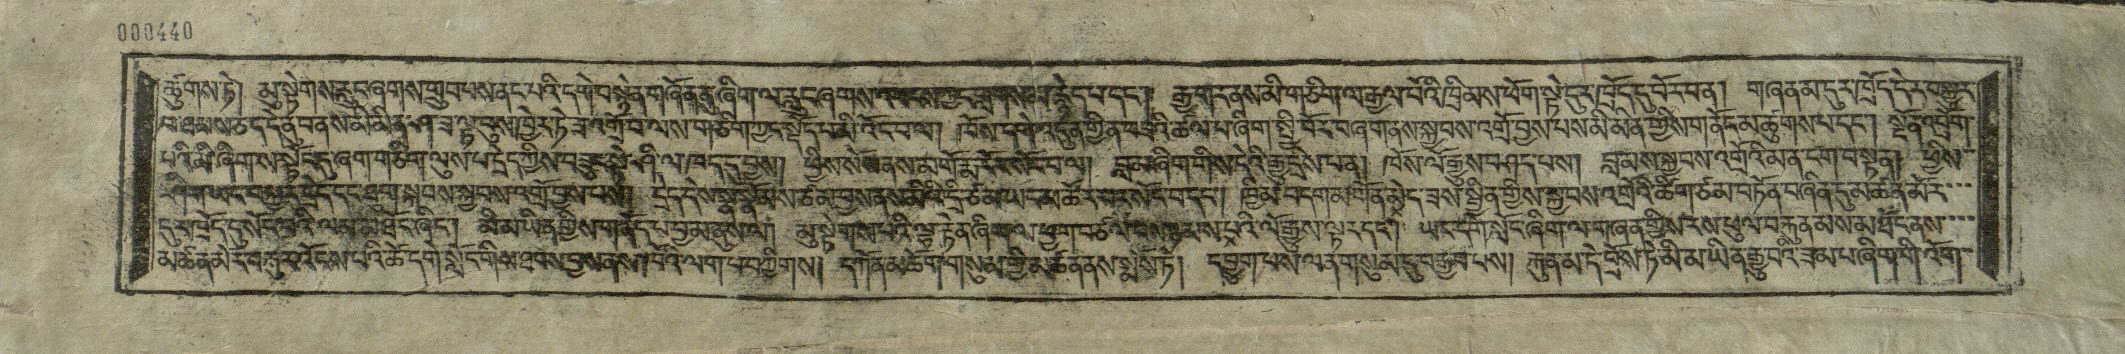ཚུགས་ཏེ། མུ་སྟེགས་རླུང་ཞགས་གྲུབ་པས་ནང་པའི་དགེ་བསྙེན་གཞོན་ནུ་ཞིག་ལ་རླུང་ཞགས་འཕངས་ཀྱང་གླགས་མ་རྙེད་པ་དང་། རྒྱ་གར་ནས་མི་གཅིག་ལ་རྒྱལ་པོའི་ཁྲིམས་ཕོག་སྟེ་དུར་ཁྲོད་དུ་བོར་བ་ན། གཞན་མ་དུར་ཁྲོད་དེར་བསྐྱུར་
བ་ཐམས་ཅད་དེ་ནུབ་ནས་མི་མིན་ཤ་ཟ་ལྟ་བུས་ཁྱེར་ཏེ་ཟ་འགྲོ་བ་ལས་གཅིག་ཀྱང་སྡོད་པ་མི་འོང་བ་ལ། ཁོས་དགེ་འདུན་གྱི་ན་བཟའི་ཚལ་བ་ཞིག་སྤྱི་བོར་བཞག་ནས་སྐྱབས་འགྲོ་བྱས་པས་མི་མིན་གྱིས་གནོད་མ་ཚུགས་པ་དང་། སྔོན་འབྲོག་
པའི་མི་ཞིག་ས་སྟོང་དུ་ཞག་གཅིག་ལུས་པ་དྲེད་ཀྱིས་བཟུང་སྟེ་ཤི་ལ་ཁད་དུ་བྱས། ཕྱིས་སོས་ནས་མགོ་རྨ་རོར་སོང་བ་ལ། བླ་མ་ཞིག་གིས་དེའི་རྒྱུ་དྲིས་པ་ན། ཁོས་ལོ་རྒྱུས་བཤད་པས། བླ་མས་སྐྱབས་འགྲོའི་མན་ངག་བསྟན། ཕྱིས་
ཤིག་ཡང་བསྐྱར་དྲེད་དང་ཐུག་སྐབས་སྐྱབས་འགྲོ་བྱས་པས། དྲེད་དེས་སྣ་སྣོམས་ཙམ་བྱས་ནས་མིའི་དྲི་ཙམ་ཡང་མ་ཚོར་བར་སོང་བ་དང་། ཁྱིམ་བདག་མགོན་མེད་ཟས་སྦྱིན་གྱིས་སྐྱབས་འགྲོའི་ཚིག་ཙམ་བཏོན་བཞིན་དུ་མཚན་མོར་
དུར་ཁྲོད་དུ་སོང་བའི་ལམ་མཐོང་ཞིང་། མི་མ་ཡིན་གྱིས་གནོད་པ་བྱ་མ་ནུས་ལ། མུ་སྟེགས་པའི་ལྷ་རྟེན་ཞིག་ལ་ཕྱག་བཙལ་བས་ཉམས་པའི་ལོ་རྒྱུས་ལྟར་དང་། ཡང་དགེ་སློང་ཞིག་ལ་གཞན་གྱིས་རས་ཕུལ་བ་རྐུན་མས་མཐོང་ནས་
མཚན་མོར་བརྐུར་འོངས་པའི་ཚེ་དགེ་སློང་གིས་ཐབས་བྱས་ནས་ཁོའི་ལག་པ་བཀྱིགས། དཀོན་མཆོག་གསུམ་གྱི་མཚན་ནས་སྨོས་ཏེ། དབྱུག་པས་ལན་གསུམ་དུ་བརྒྱབ་པས། རྐུན་མ་དེ་བྲོས་ཏེ་མི་མ་ཡིན་རྒྱུ་བའི་ཟམ་པ་ཞིག་གི་འོག་